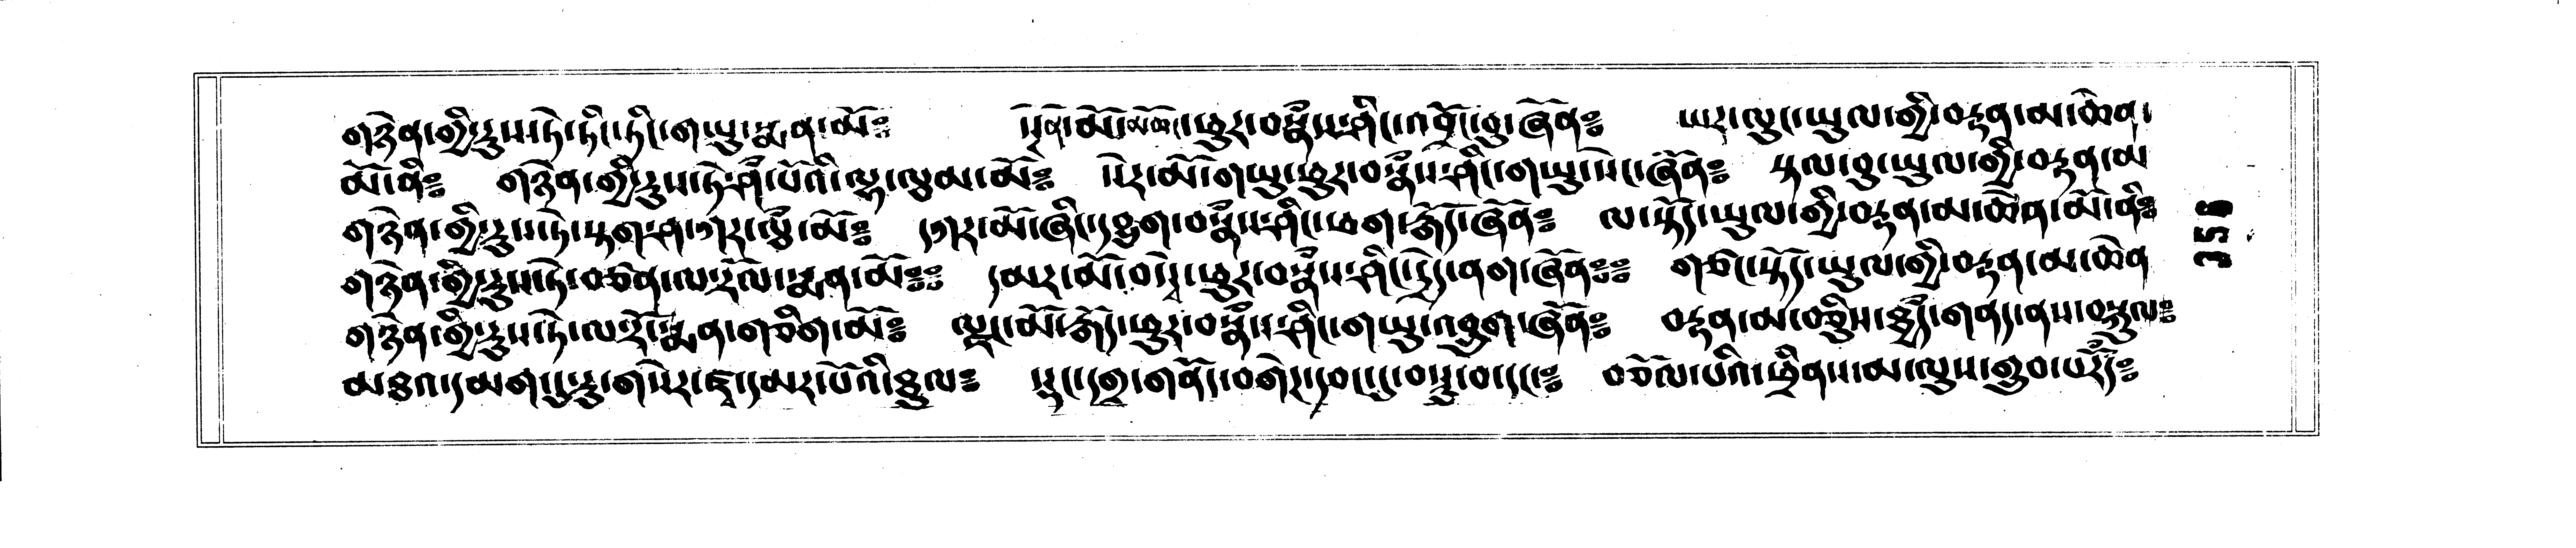གཉེན་གྱི་རུས་ཏེ་ཏིང་ཏིང་གཡུ་སྨན་མོ༔ སྔོན་མོ་མཆོང་ཕུར་བསྣམས་ཤིང་འབྲོང་བུ་ཞོན༔ ཡང་ལུང་ཡུལ་གྱི་བརྟན་མ་ཆེན་
མོ་ནི༔ གཉེན་གྱི་རུས་ཏེ་ཤམ་པོའི་ལྷ་ལྕམ་མོ༔ སེར་མོ་གཡུ་ཕུར་བསྣམས་ཤིང་གཡུ་སེང་ཞོན༔ སྟལ་བུ་ཡུལ་གྱི་བརྟན་མ་མོ་ནིཿ 
གཉེན་གྱི་རུས་ཏེ་སྟག་ཤ་དཀར་ལྕམ་མོ༔ དཀར་མོ་ཞིང་དབྱུག་བསྣམས་ཤིང་ཕག་རྒོད་ཞོན༔ ལ་སྟོད་ཡུལ་གྱི་བརྟན་མ་ཆེན་མོ་ནི༔ 
གཉེན་གྱི་རུས་ཏེ་བཙན་ལ་རོལ་སྨན་མོ༔༔ དམར་མོ་བསྭེ་ཕུར་བསྣམས་ཤིང་དྲེད་ནག་ཞོན༔༔ གཙང་སྟོད་ཡུལ་གྱི་བརྟན་མ་ཆེན་ཆེན་མོ་ནི༔ 
གཉེན་གྱི་རུས་ཏེ་ལ་རོ་སྨན་གཅིག་མོ༔ ལྗང་མོ་རྒོད་ཕུར་བསྣམས་ཤིང་གཡུ་འབྲུག་ཞོན༔ བརྟན་མ་བཅུ་གཉིས་ཐམས་ཅད་གནད་ནས་བསྐུལ༔ 
མཐའ་དམག་དུ་རུ་གསེར་ཛྭ་དམར་པོའི་ཐུལ༔ སྡང་དགྲ་གནོད་བགེགས་དབང་དུ་བསྡུ་བ་དང་། བཅོལ་བའི་ཕྲིན་ལས་མ་ལུས་གྲུབ་པར་མཛོད༔